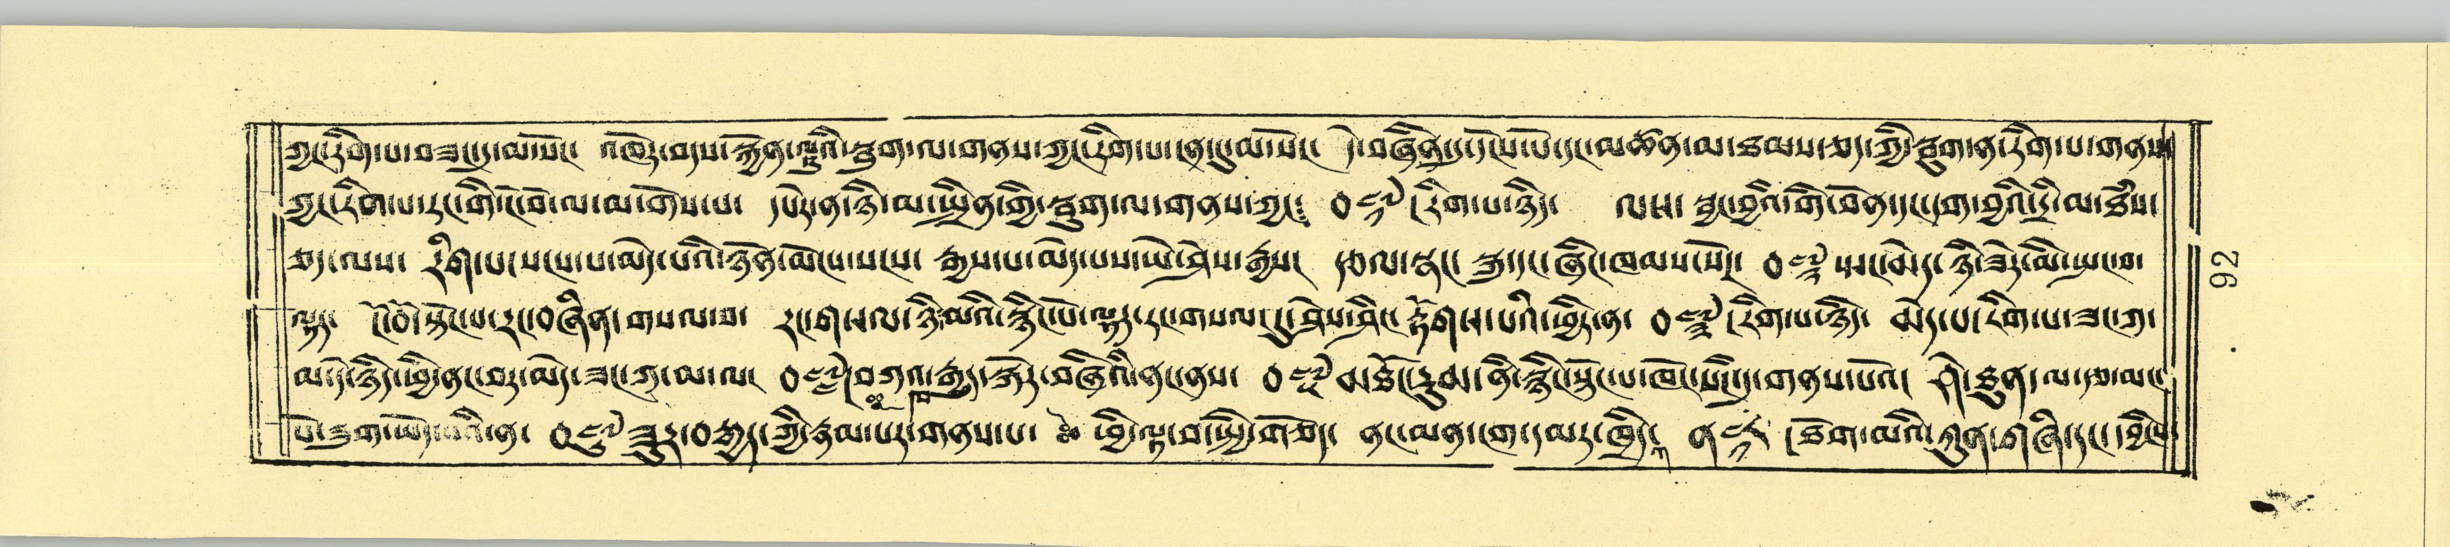ཀྱང་རིག་པ་བཟང་དུ་མ་སོང་། འཁོར་བ་སྐྱོན་ལྟ་བུའི་སྦུག་ལ་གནས་ཀྱང་རིག་པ་ངན་དུ་མ་སོང་། དེ་བཞིན་དུ་དངོས་པོ་དང་མཚན་མ་ཐམས་ཅད་ཀྱི་སྦུག་ན་རིག་པ་གནས་
ཀྱང་རིག་པ་རང་གི་ངོ་བོ་ལ་མ་གོས་པ། དཔེར་ན་ཉི་མ་སྤྲིན་གྱི་སྦུག་ལ་གནས་ཀྱང་བ༤༧།༡ རིག་པ་ཉིད་༼ལས༽སྦྱང་བྱའི་བོན་དང་འདག་བྱའི་དྲི་མ་ཐམས་
ཅད་ལས་༼རིག་པ༽སངས་པ་མེད་པའི་ཉོན་མོངས་སངས་རྒྱས་པ་མེད་པའི་ཡེ་ཤེས་རྒྱས་༼རྩལ་སྣང་༽སྐུ་དང་ཞིང་ཁམས་སོགས་བ༤༧།༢༼སྤང་མེད༽ཉི་ཟེར་མི་སྤང་བ་
ལྟར་ ༼ངོ་བོ༽སྟོང་པ་༼རང་བཞིན་༽གསལ་བ་༼རང་གསལ༽ཉི་མའི་སྙིང་པོ་ལྟར་རང་གསལ་དུ་ཤེས་ཤིང་༼རྟོགས་པའི༽ཕྱིར་ན་བ༤༧།༣ རིག་པ་ཉིད་༼མེད་པ༽རིག་པ་ཟང་ཀ་
མ་དེ་ཉིད་ཕྱི་ནང་བར་མེད་ཟང་ཀ་མ་ལ་བ༤༧།༤བཀའ་བརྒྱུད་སྐོར་བཞིའི་ནང་ནས་ཕྱི་ལྟ་བ་སྤྱི་གཅོད་ནང་མན་ངག་དམར་ཁྲིད་བ༤༧།༥༼མཐོང་རུམ༽ནི་སྙིང་སྟོང་པ་ཁོང་སེང་དུ་གནས་པའོ།༼ཤེ་ཐུན༽ལ་རྩ་མང་
པོ་ཟུག་ཡོད་པའི་ན་བ༤༧།༦༼ཟུར་བརྒྱད༽ཀྱི་རྣམ་པར་གནས་པ་ན༤༨།༡ ཐོག་མའི་༼ཀུན་གཞི་དང༽དབྱིངས་